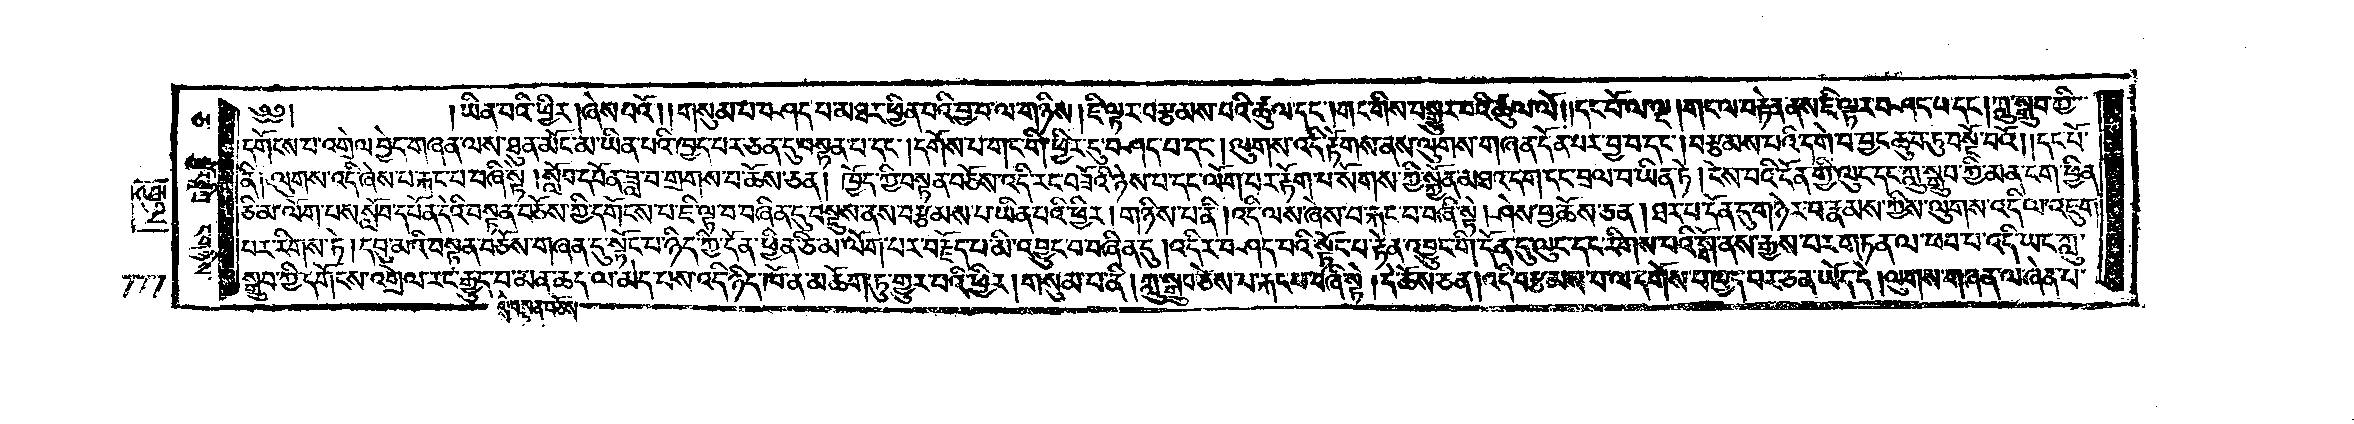༄༅། །ཡིན་པའི་ཕྱིར། ཞེས་པའོ། །གསུམ་པ་བཤད་པ་མཐར་ཕྱིན་པའི་བྱ་བ་ལ་གཉིས། ཇི་ལྟར་བརྩམས་པའི་ཚུལ་དང་། གང་གིས་བསྒྱུར་བའི་ཚུལ་ལོ། །དང་པོ་ལ་ལྔ། གང་ལ་བརྟེན་ནས་ཇི་ལྟར་བཤད་པ་དང་། ཀླུ་སྒྲུབ་ཀྱི་
དགོངས་པ་འགྲེལ་བྱེད་གཞན་ལས་ཐུན་མོང་མ་ཡིན་པའི་ཁྱད་པར་ཅན་དུ་བསྟན་པ་དང་། དགོས་པ་གང་གི་ཕྱིར་དུ་བཤད་པ་དང་། ལུགས་འདི་རྟོགས་ནས་ལུགས་གཞན་དོན་པར་བྱ་བ་དང་། བརྩམས་པའི་དགེ་བ་བྱང་ཆུབ་ཏུ་བསྔོ་བའོ། །དང་པོ་
ནི། ལུགས་འདི་ཞེས་པ་རྐང་པ་བཞི་སྟེ། སློབ་དཔོན་ཟླ་བ་གྲགས་པ་ཆོས་ཅན། ཁྱོད་ཀྱི་བསྟན་བཅོས་འདི་རང་བཟོའི་ཉེས་པ་དང་ལོག་པར་རྟོག་པ་སོགས་ཀྱི་སྐྱོན་མཐའ་དག་དང་བྲལ་བ་ཡིན་ཏེ། ངེས་པའི་དོན་གྱི་ལུང་དང་ཀླུ་སྒྲུབ་ཀྱི་མན་ངག་ཕྱིན་
ཅི་མ་ལོག་པས་སློབ་དཔོན་དེའི་བསྟན་བཅོས་ཀྱི་དགོངས་པ་ཇི་ལྟ་བ་བཞིན་དུ་བསྡུས་ནས་བརྩམས་པ་ཡིན་པའི་ཕྱིར། གཉིས་པ་ནི། འདི་ལས་ཞེས་པ་རྐང་པ་བཞི་སྟེ། ཤེས་བྱ་ཆོས་ཅན། ཐར་པ་དོན་དུ་གཉེར་བ་རྣམས་ཀྱིས་ལུགས་འདི་ལ་འཇུག་
པར་རིགས་ཏེ། དབུ་མའི་བསྟན་བཅོས་གཞན་དུ་སྟོང་པ་ཉིད་ཀྱི་དོན་ཕྱིན་ཅི་མ་ལོག་པར་བརྗོད་པ་མི་འབྱུང་བ་བཞིན་དུ། འདིར་བཤད་པའི་སྟོང་པ་རྟེན་འབྱུང་གི་དོན་དུ་ལུང་དང་རིགས་པའི་སྒོ་ནས་རྒྱས་པར་གཏན་ལ་ཕབ་པ་འདི་ཡང་ཀླུ་
སྒྲུབ་ཀྱི་དགོངས་འགྲེལ་རང་རྒྱུད་?་བསྟན་བཅོས་པ་མན་ཆད་ལ་མེད་པས་འདི་ཉིད་ཁོ་ན་མཆོག་ཏུ་གྱུར་པའི་ཕྱིར། གསུམ་པ་ནི། ཀླུ་སྒྲུབ་ཅེས་པ་རྐང་པ་བཞི་སྟེ། དེ་ཆོས་ཅན། འདི་བརྩམས་པ་ལ་དགོས་པ་ཁྱད་པར་ཅན་ཡོད་དེ། ལུགས་གཞན་ལ་ཞེན་པ་